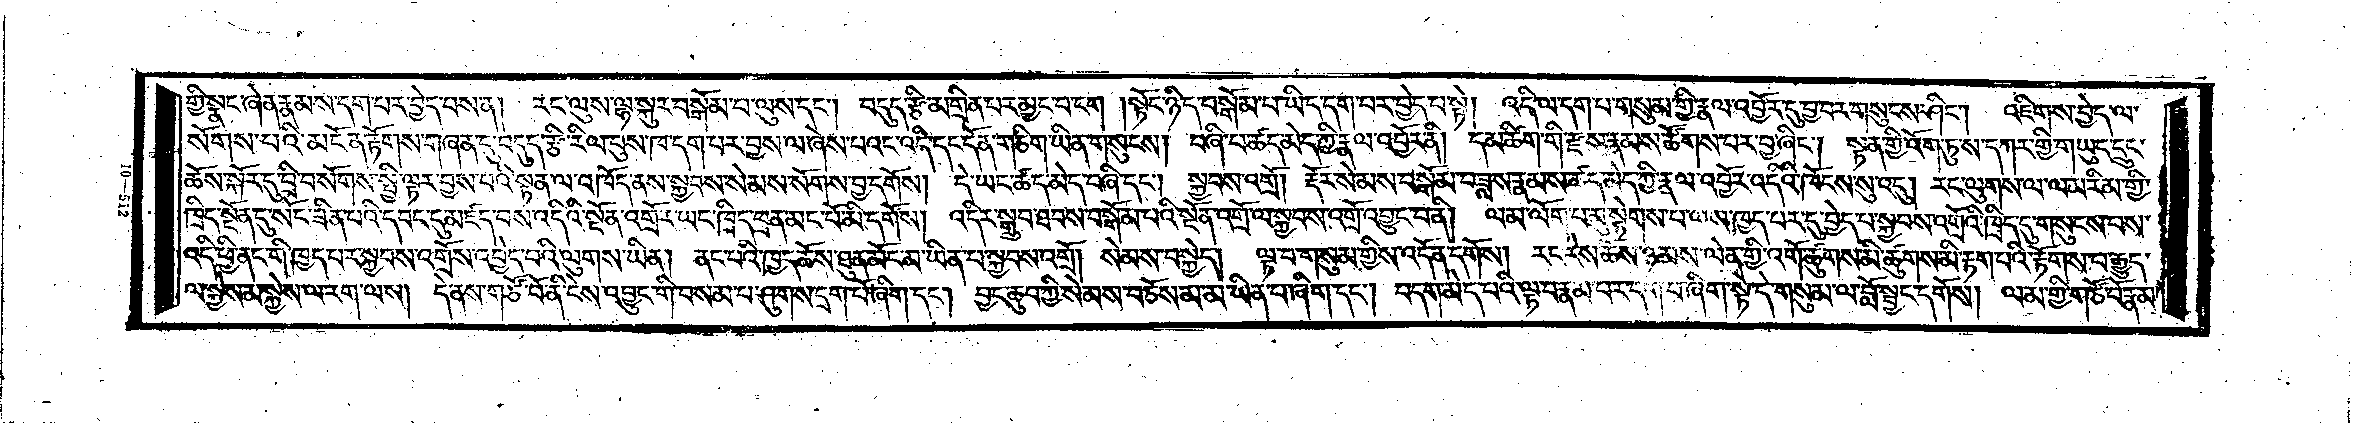གྱི་སྣང་ཞེན་རྣམས་དག་པར་བྱེད་པས་ན། རང་ལུས་ལྷ་སྐུར་བསྒོམ་པ་ལུས་དང་། བདུད་རྩི་མགྲིན་པར་མྱང་བ་ངག །སྟོང་ཉིད་བསྒོམ་པ་ཡིད་དག་པར་བྱེད་པ་སྟེ། འདི་ལ་དག་པ་གསུམ་གྱི་རྣལ་འབྱོར་དུ་བྱ་བར་གསུངས་ཤིང་། འཇིགས་བྱེད་ལ་
སོགས་པའི་མངོན་རྟོགས་གཞན་དུ་བདུད་རྩི་རིལ་བུས་ཁ་དག་པར་བྱས་ལ་ཞེས་པའང་འདི་དང་དོན་གཅིག་ཡིན་གསུངས། བཞི་པ་ཚད་མེད་ཀྱི་རྣལ་འབྱོར་ནི། དམ་ཚིག་གི་རྫས་རྣམས་ཚོགས་པར་བྱ་ཞིང་། སྟན་གྱི་འོག་ཏུ་ས་དཀར་གྱི་གཡུང་དྲུང་
ཆོས་སྐོར་དུ་བྲི་བ་སོགས་སྤྱི་ལྟར་བྱས་པའི་སྟན་ལ་འཁོད་ནས་སྐྱབས་སེམས་སོགས་བྱ་དགོས། དེ་ཡང་ཚད་མེད་བཞི་དང་། སྐྱབས་འགྲོ། རྡོར་སེམས་བསྒོམ་བཟླས་རྣམས་ཚད་མེད་ཀྱི་རྣལ་འབྱོར་འདིའི་ཁོངས་སུ་འདུ། རང་ལུགས་ལ་ལམ་རིམ་གྱི་
ཁྲིད་སྔོན་དུ་སོང་ཟིན་པའི་དབང་དུ་མཛད་པས་འདིའི་སྔོན་འགྲོར་ཡང་ཁྲིད་ཕྲན་མང་པོ་མི་དགོས། འདིར་སྒྲུབ་ཐབས་བསྒོམ་པའི་སྔོན་འགྲོ་ལ་སྐྱབས་འགྲོ་འབྱུང་བ་ནི། ལམ་ལོག་པ་མུ་སྟེགས་པ་ལས་ཁྱད་པར་དུ་བྱེད་པ་སྐྱབས་འགྲོའི་ཁྲིད་དུ་གསུངས་པས་
འདི་ཕྱི་ནང་གི་ཁྱད་པར་སྐྱབས་འགྲོས་འབྱེད་པའི་ལུགས་ཡིན། ནང་པའི་ཁྱད་ཆོས་ཐུན་མོང་མ་ཡིན་པ་སྐྱབས་འགྲོ། སེམས་བསྐྱེད། ལྟ་བ་གསུམ་གྱིས་འདོན་དགོས། རང་རེས་ཆོས་ཉམས་ལེན་གྱི་འགོ་ཚུགས་མི་ཚུགས་མི་རྟག་པའི་རྟོགས་པ་རྒྱུད་
ལ་སྐྱེས་མ་སྐྱེས་ལ་རག་ལས། དེ་ནས་གཙོ་བོ་ནི་ངེས་འབྱུང་གི་བསམ་པ་ཤུགས་དྲག་པོ་ཞིག་དང་། བྱང་ཆུབ་ཀྱི་སེམས་བཅོས་མ་མ་ཡིན་པ་ཞིག་དང་། བདག་མེད་པའི་ལྟ་བ་རྣམ་པར་དག་པ་ཞིག་སྟེ་དེ་གསུམ་ལ་བློ་སྦྱང་དགོས། ལམ་གྱི་གཙོ་བོ་རྣམ་